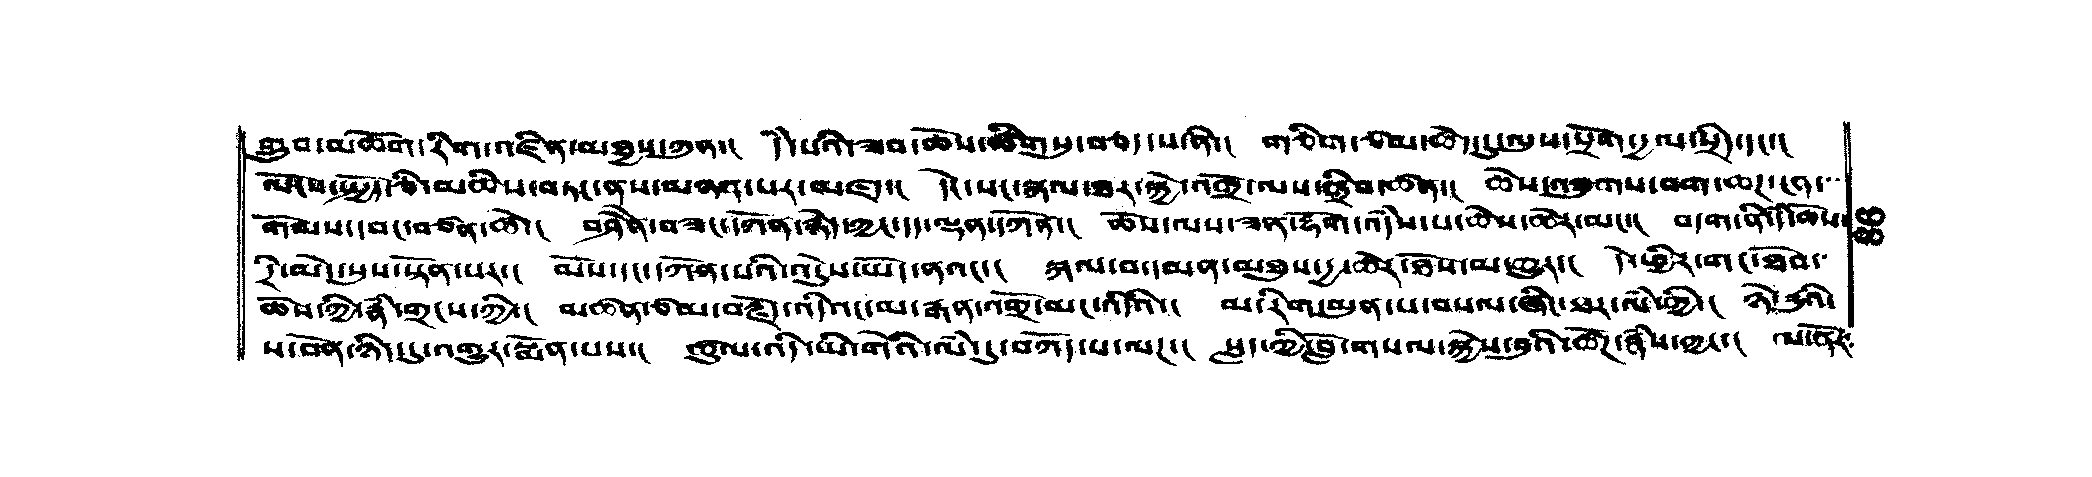གྲུབ་མཆོག་རིག་འཛིན་མཐའ་ཡས་ཀུན། །དམ་པའི་ཟབ་ཆོས་ཚིགས་སུ་བཅད་པ་ནི། གཅིག་ཙམ་ཆེད་དུ་ལུས་སྲོག་རྒྱལ་སྲིད་དང་། །
ལོངས་སྤྱོད་ཅི་མཆིས་བཏང་ནས་མཉན་པར་མཛད། །དེང་སང་བསྐལ་མཐར་སྐྱེ་འགྲོ་ལས་སྒྲིབ་ཚན། །ཆེས་འཐུག་བག་ཆགས་ངན་
གོམས་དབང་བཙན་ཆེ། །བཤེས་གཉེན་བཟང་དཀོན་རྙེད་ཀྱང་དད་ལྡན་དཀོན། །ཆོས་ལས་ཟན་རྡོག་འདམས་པ་ཆེས་ཆེར་མང་། །བདག་ནི་དམ་ཆོས་
དྲི་མེད་སུས་སྟོན་པར། །མོས་དང་དཀོན་པའི་འདུ་ཤེས་ཡོད་ནའང་། །སྐལ་བ་དམན་མཐུས་རྒྱ་ཆེར་ཐོས་མ་གྱུར། །དེ་ཕྱིར་གང་ཐོབ་
ཆོས་ཀྱི་རྣམ་གྲངས་ཀྱི། །མཚན་ཙམ་བརྗོད་འདིའང་མ་རྒན་འགྲོ་མང་འདིའི། །མ་རིག་མུན་པ་བསལ་ཞིང་ཐར་ལམ་གྱི། །ཉེ་རྒྱུའི་
ས་བོན་ཉིད་དུ་འགྱུར་སྨོན་པས། །ཚུལ་འདི་ཡི་གེའི་ལམ་དུ་བཀོད་པ་ལགས། །སླད་ཀྱི་བློ་གསལ་སྐྱེས་བུའི་ཚོགས་རྣམས་ཀྱང་། །མ་ནོར་